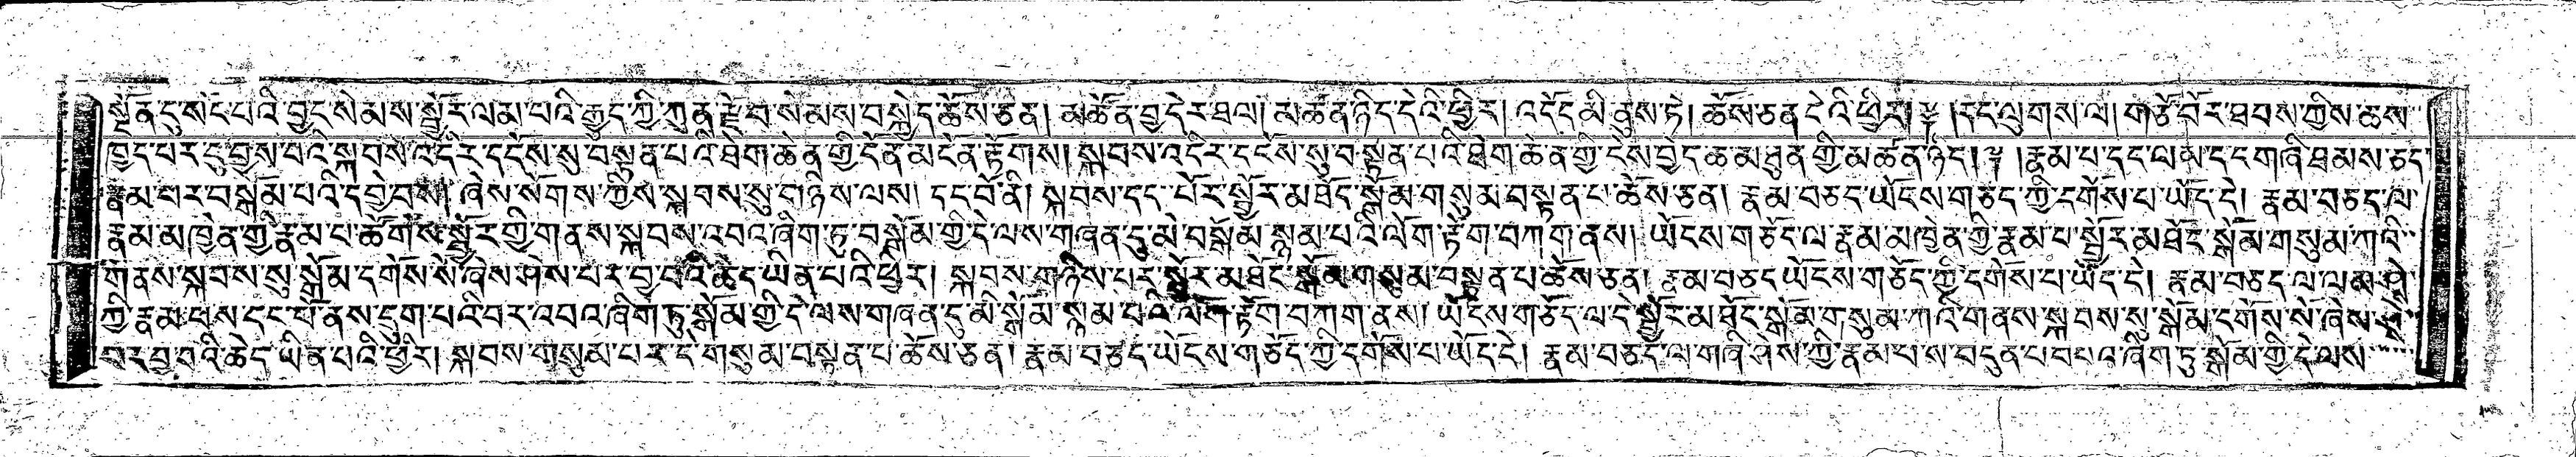སྔོན་དུ་སོང་བའི་བྱང་སེམས་སྦྱོར་ལམ་པའི་རྒྱུད་ཀྱི་ཀུན་རྫོབ་སེམས་བསྐྱེད་ཆོས་ཅན། མཚོན་བྱ་དེར་ཐལ། མཚན་ཉིད་དེའི་ཕྱིར། འདོད་མི་ནུས་ཏེ། ཆོས་ཅན་དེའི་ཕྱིར། ༈ །རང་ལུགས་ལ། གཙོ་བོར་ཐབས་ཀྱི་ཆོས་
ཁྱད་པར་དུ་བྱས་པའི་སྐབས་འདིར་དངོས་སུ་བསྟན་པའི་ཐེག་ཆེན་གྱི་དོན་མངོན་རྟོགས། སྐབས་འདིར་དངོས་སུ་བསྟན་པའི་ཐེག་ཆེན་གྱི་ངེས་བྱེད་ཆ་མཐུན་གྱི་མཚན་ཉིད། ༈ །རྣམ་པ་དང་ལམ་དང་གཞི་ཐམས་ཅད་
རྣམ་པར་བསྒོམ་པའི་དབྱེ་བས། ཞེས་སོགས་ཀྱིས་སྐབས་སུ་གཉིས་ལས། དང་པོ་ནི། སྐབས་དང་པོར་སྦྱོར་མཐོང་སྒོམ་གསུམ་བསྟན་པ་ཆོས་ཅན། རྣམ་བཅད་ཡོངས་གཅོད་ཀྱི་དགོས་པ་ཡོད་དེ། རྣམ་བཅད་ལ་
རྣམ་མཁྱེན་གྱི་རྣམ་པ་ཚོགས་སྦྱོར་གྱི་གནས་སྐབས་འབའ་ཞིག་ཏུ་བསྒོམ་གྱི་དེ་ལས་གཞན་དུ་མི་བསྒོམ་སྙམ་པའི་ལོག་རྟོག་བཀག་ནས། ཡོངས་གཅོད་ལ་རྣམ་མཁྱེན་གྱི་རྣམ་པ་སྦྱོར་མཐོང་སྒོམ་གསུམ་ཀའི་
གནས་སྐབས་སུ་སྒོམ་དགོས་སོ་ཞེས་ཤེས་པར་བྱ་བའི་ཆེད་ཡིན་པའི་ཕྱིར། སྐབས་གཉིས་པར་སྦྱོར་མཐོང་སྒོམ་གསུམ་བསྟན་པ་ཆོས་ཅན། རྣམ་བཅད་ཡོངས་གཅོད་ཀྱི་དགོས་པ་ཡོད་དེ། རྣམ་བཅད་ལ་ལམ་ཤེས་
ཀྱི་རྣམ་པས་དང་པོ་ནས་དྲུག་པའི་བར་འབའ་ཞིག་ཏུ་སྒོམ་གྱི་དེ་ལས་གཞན་དུ་མི་སྒོམ་སྙམ་པའི་ལོག་རྟོག་བཀག་ནས། ཡོངས་གཅོད་ལ་དེ་སྦྱོར་མཐོང་སྒོམ་གསུམ་ཀའི་གནས་སྐབས་སུ་སྒོམ་དགོས་སོ་ཞེས་ཤེས་
པར་བྱ་བའི་ཆེད་ཡིན་པའི་ཕྱིར། སྐབས་གསུམ་པར་དེ་གསུམ་བསྟན་པ་ཆོས་ཅན། རྣམ་བཅད་ཡོངས་གཅོད་ཀྱི་དགོས་པ་ཡོད་དེ། རྣམ་བཅད་ལ་གཞི་ཤེས་ཀྱི་རྣམ་པ་ས་བདུན་པ་བྤའ་ཞིག་ཏུ་སྒོམ་གྱི་དེ་ལས་